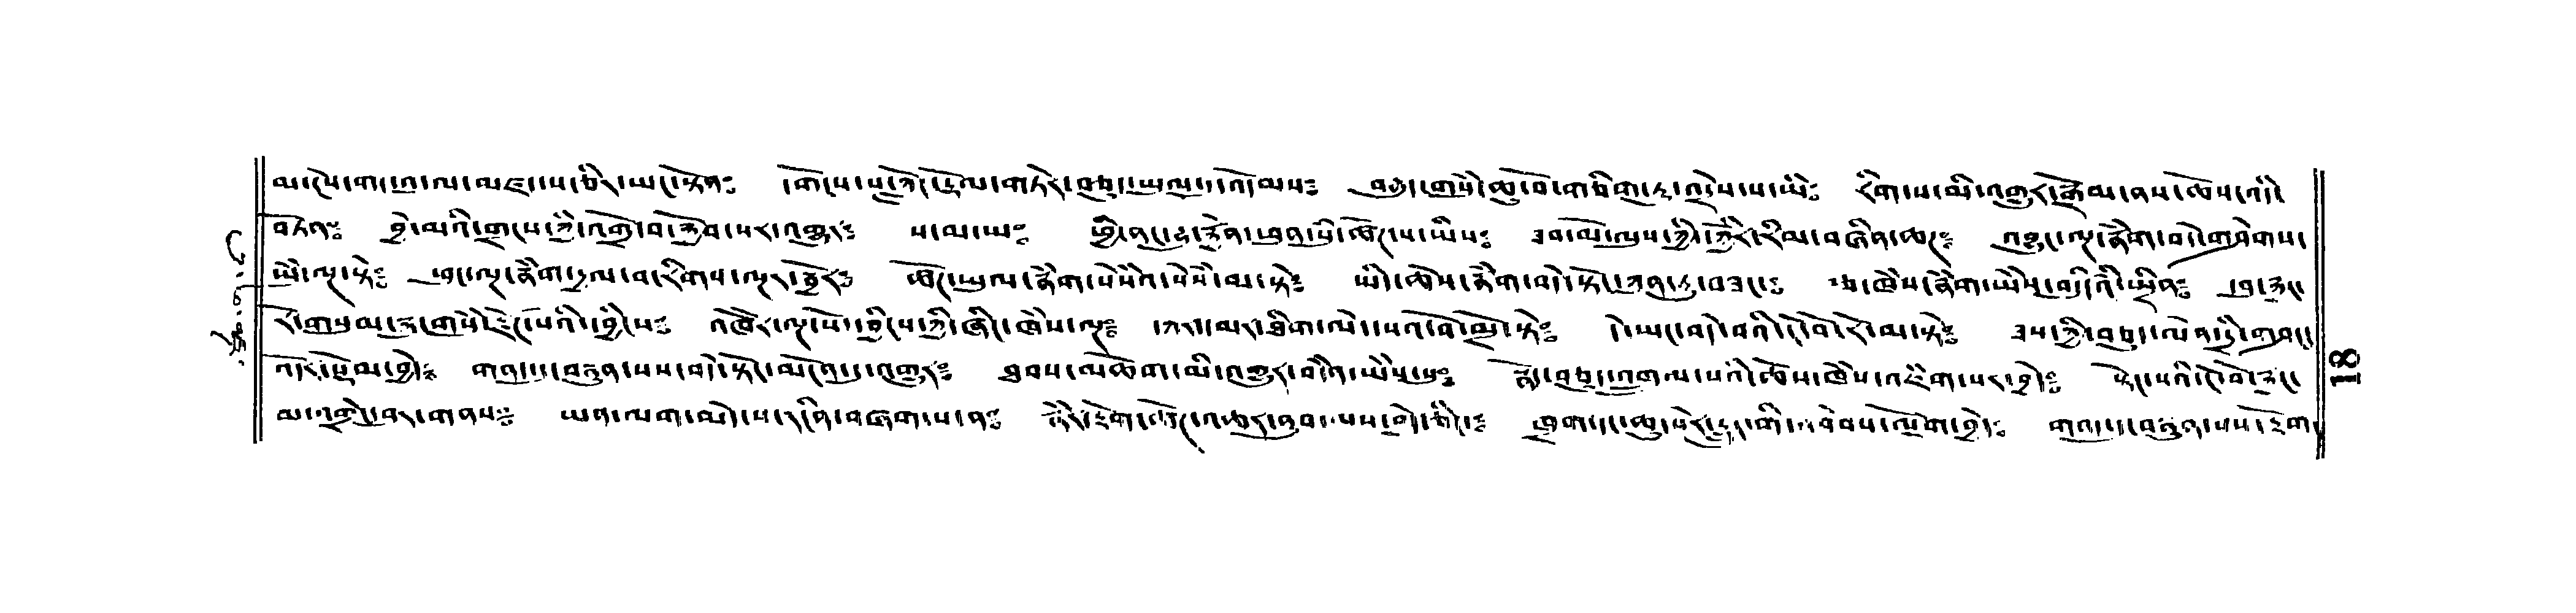མ་ངེས་གང་འདུལ་མཛད་པ་ཅིར་ཡང་སྟོན༔ དགོངས་པ་ཀློང་རྡོལ་གཏེར་བཅུད་ཡུལ་དུ་འདོམས༔ བརྒྱུད་གསུམ་ཆུ་བོ་གཅིག་ཏུ་འདྲེས་པ་ཡི༔ རིག་པ་མི་འགྱུར་སྒྲོམ་ནས་ཆོས་འདི་
བཏོན༔ བྱེ་མའི་གྲངས་ཀྱི་འགྲོ་བ་སྐྱོབ་པར་འགྱུར༔ ས་མ་ཡ༔ ཕྱི་ནང་རྒྱུ་རྐྱེན་ཕུན་སུམ་ཚོགས་པ་ཡིས༔ ཟབ་མོ་ལུས་ཀྱི་དཀྱིལ་འཁོར་རིམ་བཞིན་ཆགས༔ འབྱུང་ལྔ་རྣམ་དག་བདེ་གཤེགས་
ཡུམ་ལྔ་སྟེ༔ ཕུང་ལྔ་རྣམ་དག་རྒྱལ་བ་རིགས་ལྔར་སྦྱོར༔ཚོགས་ཡུལ་རྣམ་དག་སེམས་དཔའ་སེམས་མ་སྟེ༔ ཡིད་ཆོས་རྣམ་དག་བདེ་སྟོང་ཀུན་ཏུ་བཟང༔ རྩ་ཁམས་རྣམ་དག་ཡེ་ཤེས་བདུད་རྩིའི་སྤྲིན༔ དབུ་རྐྱང་
རོ་གསུམ་སྐུ་གསུམ་རྫོགས་པའི་དབྱིངས༔ འཁོར་ལོ་ལྔ་པོ་དབྱིངས་ཀྱི་ཞིང་ཁམས་ལྔ༔ དཀར་དམར་ཐིག་ལེ་དཔའ་བོ་མཁའ་འགྲོ་སྟེ༔ དེ་ཡང་བདེ་བའི་ངོ་བོ་རོ་མ་སྟེ༔ ཟས་ཀྱི་བཅུད་ལེན་དྲི་གཤང་
འདོར་སྡོམ་བྱེད༔ གནད་དུ་བསྣུན་པས་བདེ་སྟོང་མངོན་དུ་འགྱུར༔ ཐབས་མཆོག་མི་འགྱུར་བདེ་ཆེན་ཡེ་ཤེས་སུ༔ སྣོད་བཅུད་འཁྲུལ་པའི་ཆོས་ཁམས་འཇིག་པར་བྱེད༔ སྟོང་པའི་ངོ་བོ་རྐྱང་
མ་འགྲེང་བུར་གནས༔ ཡན་ལག་མེད་པ་རང་བཞིན་བཞག་པ་ན༔ རྣམ་པ་རྟོག་ཚོགས་འཆར་ནུབ་ལས་བྱེད་ཅིང༔ ཁྲག་དང་ཆུ་སེར་རླུང་གི་འབེབས་ལྡོག་བྱེད༔ གནད་དུ་བསྣུན་པས་རྟོག་